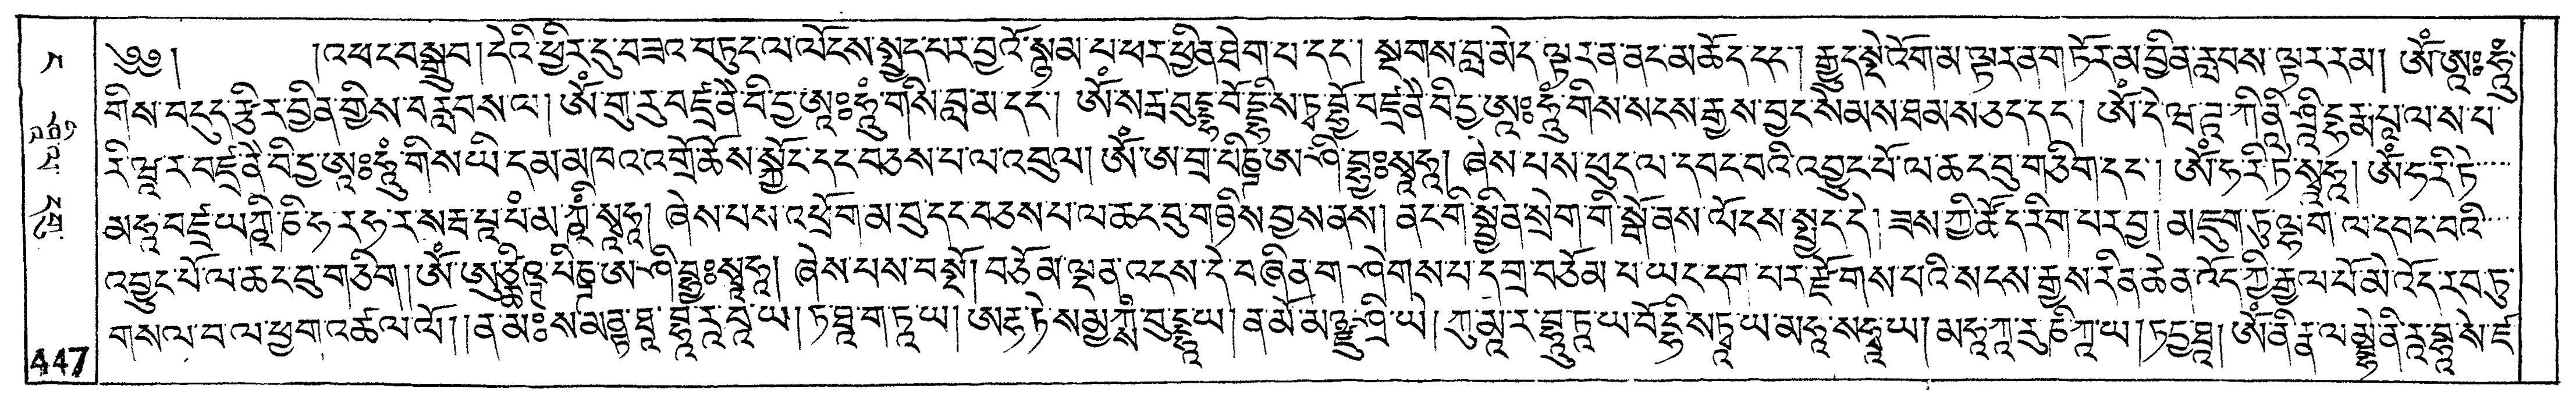༄༅། །འཕང་བསྒྲུབ། དེའི་ཕྱིར་དུ་བཟའ་བཏུང་ལ་ལོངས་སྤྱད་པར་བྱའོ་སྙམ་པ་ཕར་ཕྱིན་ཐེག་པ་དང་། སྔགས་བླ་མེད་ལྟར་ན་ནང་མཆོད་དང་། རྒྱུད་སྡེ་འོག་མ་ལྟར་ན་གཏོར་མ་བྱིན་རླབས་ལྟར་རམ། ཨོཾ་ཨཱཿ ཧཱུཾ་
གིས་བདུད་རྩིར་བྱིན་གྱིས་བརླབས་ལ། ཨོཾ་གུ་རུ་བཛྲ་ནཻ་བི་དྱ་ཨཱཿ ཧཱུཾ་གིས་བླ་མ་དང་། ཨོཾ་སརྦ་བུདྡྷ་བོ་དྡྷི་ས་ཏྭ་བྷྱོ་བཛྲ་ནཻ་བི་དྱ་ཨཱཿ ཧཱུཾ་གིས་སངས་རྒྱས་བྱང་སེམས་ཐམས་ཅད་དང་། ཨོཾ་དེ་ཝ་ཌཱ་ཀི་ནཱི་ཤྲཱི་དྷ་རྨ་པཱ་ལ་ས་པ་
རི་ཝཱ་ར་བཛྲ་ནཻ་བི་དྱ་ཨཱཿ ཧཱུཾ་གིས་ཡི་དམ་མཁའ་འགྲོ་ཆོས་སྐྱོང་དང་བཅས་པ་ལ་འབུལ། ཨོཾ་ཨ་གྲ་པིཎྜ་ཨ་ཤི་བྷྱཿ སྭཱཧཱ། ཞེས་པས་ཕུད་ལ་དབང་བའི་འབྱུང་པོ་ལ་ཆང་བུ་གཅིག་དང་། ཨོཾ་ཧ་རི་ཏེ་སྭཱཧཱ། ཨོཾ་ཧ་རི་ཏེ་
མཧཱ་བཛྲ་ཡཀྵི་ཎི་ཧ་ར་ཧ་ར་སརྦ་པཱ་པཾ་མ་ཀྵིཾ་སྭཱཧཱ། ཞེས་པས་འཕྲོག་མ་བུ་དང་བཅས་པ་ལ་ཆང་བུ་གཉིས་བྱས་ནས། ནང་གི་སྦྱིན་སྲེག་གི་སྒོ་ནས་ལོངས་སྤྱད་དེ། ཟས་ཀྱི་ཚོད་རིག་པར་བྱ། མཇུག་ཏུ་ལྷག་ལ་དབང་བའི་
འབྱུང་པོ་ལ་ཆང་བུ་གཅིག །ཨོཾ་ཨུ་ཙྪིཥྚ་པིཎྜ་ཨ་ཤི་བྷྱཿ སྭཱཧཱ། ཞེས་པས་བསྔོ། བཅོམ་ལྡན་འདས་དེ་བཞིན་གཤེགས་པ་དགྲ་བཅོམ་པ་ཡང་དག་པར་རྫོགས་པའི་སངས་རྒྱས་རིན་ཆེན་འོད་ཀྱི་རྒྱལ་པོ་མེ་འོད་རབ་ཏུ་
གསལ་བ་ལ་ཕྱག་འཚལ་ལོ། །ན་མཿ ས་མནྟ་ཐཱ་བྷཱ་རཱ་བཱ་ཡ། ཏ་ཐཱ་ག་ཏཱ་ཡ། ཨརྷ་ཏེ་སམྱཀྶཾ་བུ་དྡྷཱ་ཡ། ན་མོ་མཉྫུ་ཤྲི་ཡེ། ཀུ་མཱ་ར་བྷཱུ་ཏཱ་ཡ་བོ་དྷི་སཏྭཱ་ཡ་མཧཱ་སཧྭཱ་ཡ། མཧཱ་ཀཱ་རུ་ཎི་ཀཱ་ཡ། ཏ་དྱ་ཐཱ། ཨོཾ་ནི་རྣ་ལ་མྦྷེ་ནི་རཱ་བྷཱ་སེ་ཛ་